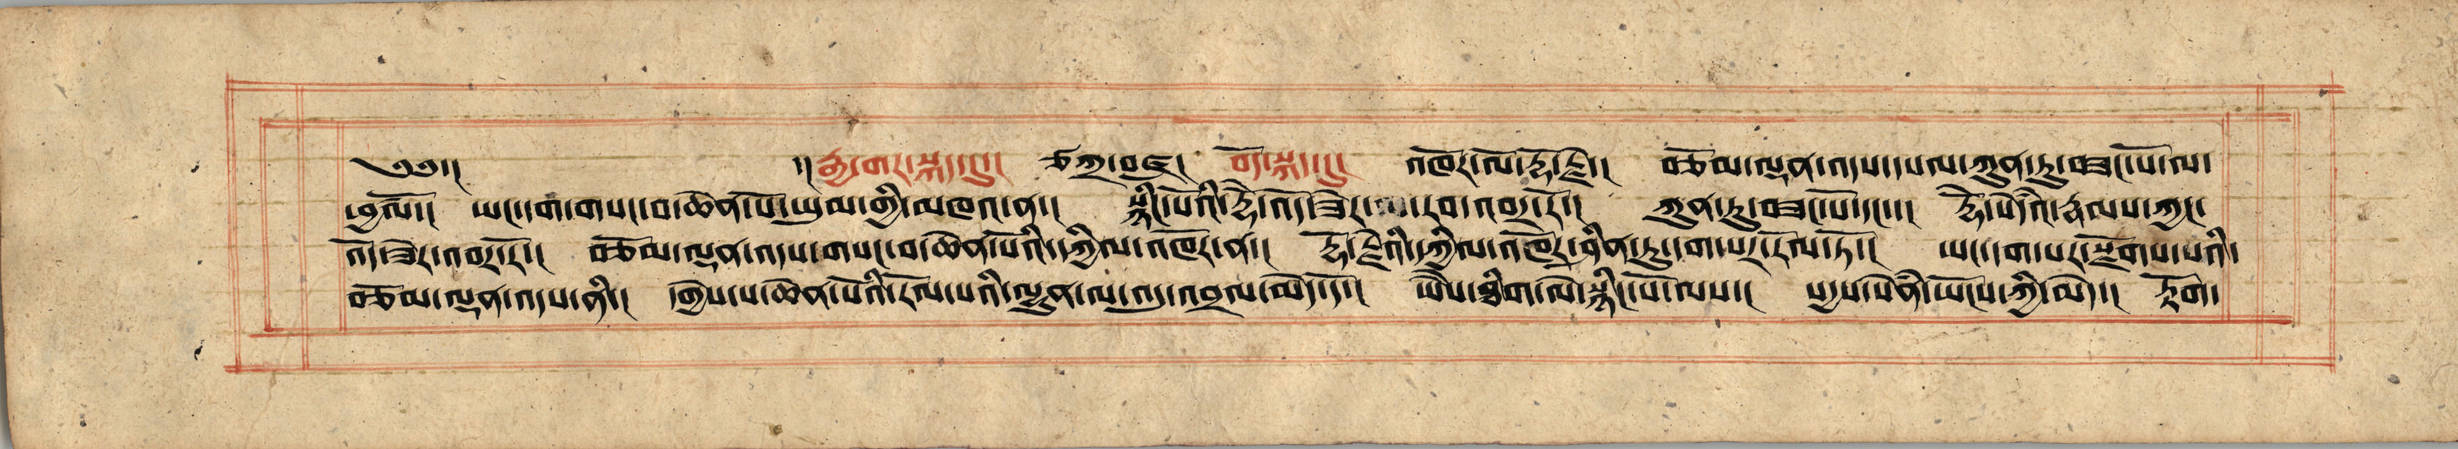༄༅་། ་།རྒྱ་གར་སྐད་དུ་། ཙཀྲ་བཛྲ། བོད་སྐད་དུ་། འཁོར་ལོ་རྡོ་རྗེ་། བཅོམ་ལྡན་འདས་དཔལ་ཀུན་ཏུ་བཟང་པོ་ལ་
ཕྱཚལོ་། ཡང་དག་གསང་བ་ཆེན་པོ་ཡུམ་གྱི་མཁའ་ན་། སྙིང་པོའི་རྡོེ་འོད་ཟེར་ལ་རབ་འབར་རོ་། ཀུན་ཏུ་བཟང་པོ་དང་་། རྡོེ་སེདཾའ་རྣམས་ཀྱང་
འོད་ཟེར་འབར་རོ་། བཅོམ་ལྡན་འདས་གསང་བ་ཆེན་པོའི་དཀྱིལ་འཁོར་ན་། རྡོ་རྗེའི་དཀྱིལ་འཁོར་ཤིན་ཏུ་དག་པར་རོལ་ཏོ་། ཡང་དག་པར་སྫོགས་པའི་
བཅོམ་ལྡན་འདས་ནི་། དགྱེས་པ་ཆེན་པོའི་རོལ་པའི་ལྷུན་ལ་འདུ་འབྲལ་མེད་དོ་། ཡཻས་ཐིག་ལེ་སྙིང་པོ་ལས་། སདྱས་སེཾན་ཡོངས་ཀྱི་མེད་། རྟོག་